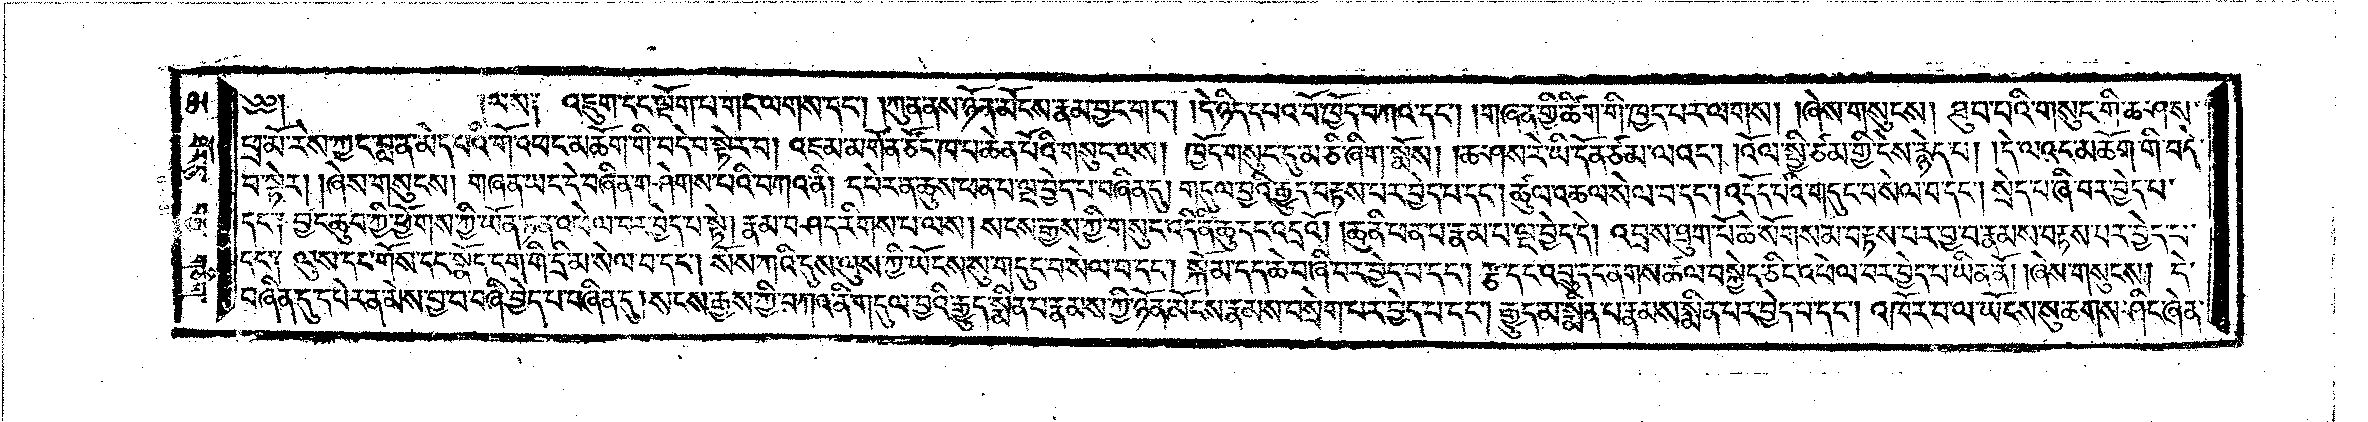༄༅། །ལས༑ འཇུག་དང་ལྡོག་པ་གང་ལགས་དང་། །ཀུན་ནས་ཉོན་མོངས་རྣམས་བྱང་གང་། །དེ་ཉིད་དཔའ་བོ་ཁྱོད་བཀའ་དང་། །གཞན་གྱི་ཚིག་གི་ཁྱད་པར་ལགས། །ཞེས་གསུངས། ཐུབ་པའི་གསུང་གི་ཆ་ཤས་
ཕྲ་མོ་རེས་ཀྱང་བླ་ན་མེད་པའི་གོ་འཕང་མཆོག་གི་བདེ་བ་སྟེར་བ། འཇམ་མགོན་ཙོང་ཁ་པ་ཆེན་པོའི་གསུང་ལས། ཁྱོད་གསུང་དུ་མ་ཅི་ཞིག་སྨོས། །ཆ་ཤས་རེ་ཡི་དོན་ཙམ་ལའང་། །འོལ་སྤྱི་ཙམ་གྱི་ངེས་རྙེད་པ། །དེ་ལའང་མཆོག་གི་བདེ་
བ་སྟེར། །ཞེས་གསུངས། གཞན་ཡང་དེ་བཞིན་གཤེགས་པའི་བཀའ་ནི། དཔེར་ན་ཆུས་ཕན་པ་ལྔ་བྱེད་པ་བཞིན་དུ། གདུལ་བྱའི་རྒྱུད་བརྟས་པར་བྱེད་པ་དང་། ཚུལ་འཆལ་སེལ་བ་དང་། འདོད་པའི་གདུང་པ་སེལ་བ་དང་། སྲེད་པ་ཞི་བར་བྱེད་པ་
དང༑ བྱང་ཆུབ་ཀྱི་ཕྱོགས་ཀྱི་ཡོན་ཏན་འཕེལ་བར་བྱེད་པ་སྟེ། རྣམ་བཤད་རིགས་པ་ལས། སངས་རྒྱས་ཀྱི་གསུང་འདི་ནི་ཆུ་དང་འདྲའོ། །ཆུ་ནི་ཕན་པ་རྣམ་པ་ལྔ་བྱེད་དེ། འབྲས་ཐུག་པོ་ཆེ་སོགས་མ་བརྟས་པར་བྱ་བ་རྣམས་བརྟས་པར་བྱེད་པ་
དང༑ ལུས་དང་གོས་དང་སྣོད་དག་གི་དྲི་མ་སེལ་བ་དང་། སོས་ཀའི་དུས་ལུས་ཀྱི་ཡོངས་སུ་གདུང་བ་སེལ་བ་དང་། སྐོམ་དད་ཆེ་བ་ཞི་བར་བྱེད་པ་དང་། རྩ་དང་འབྲུ་དང་ནགས་ཚལ་བསྐྱེད་ཅིང་འཕེལ་བར་བྱེད་པ་ཡིན་ནོ། །ཞེས་གསུངས། དེ་
བཞིན་དུ་དཔེར་ན་མེས་བྱ་བ་བཞི་བྱེད་པ་བཞིན་དུ་།སངས་རྒྱས་ཀྱི་བཀའ་ནི་གདུལ་བྱའི་རྒྱུད་སྨིན་པ་རྣམས་ཀྱི་ཉོན་མོངས་རྣམས་བསྲེག་པར་བྱེད་པ་དང་། རྒྱུད་མ་སྨིན་པ་རྣམས་སྨིན་པར་བྱེད་པ་དང་། འཁོར་བ་ལ་ཡོངས་སུ་ཆགས་ཤིང་ཞེན་